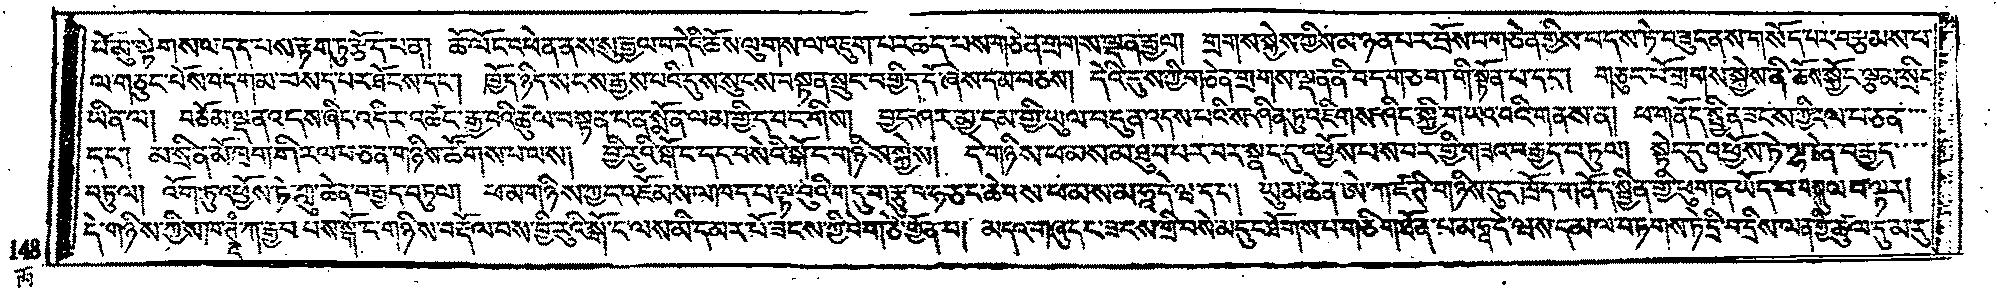པོ་མུ་སྟེགས་ལ་དད་པས་རྟག་ཏུ་རྩོད་པ་ན། ཆོ་ལོང་འཕེན་ནས་སུ་རྒྱལ་བ་དེའི་ཆོས་ལུགས་ལ་འཇུག་པར་ཆད་པས་གཅེན་གྲགས་ལྡན་རྒྱལ། གྲགས་སྐྱེས་ཀྱིས་མ་ཉན་པར་བྲོས་པ་གཅེན་གྱིས་བདས་ཏེ་བཟུང་ནས་གསོད་པར་བརྩམས་པ་
ལ་གཅུང་པོས་བདག་མ་བསད་པར་ཐོངས་དང་། ཁྱོད་ཉིད་སངས་རྒྱས་པའི་དུས་སུ་ངས་བསྟན་སྲུང་བགྱིད་དོ་ཞེས་དམ་བཅས། དེའི་དུས་ཀྱི་གཅེན་གྲགས་ལྡན་ནི་བདག་ཅག་གི་སྟོན་པ་དང་། གཅུང་པོ་གྲགས་སྐྱེས་ནི་ཆོས་སྐྱོང་ལྕམ་སྲིང་
ཡིན་ལ། བཅོམ་ལྡན་འདས་ཞིང་འདིར་འཚང་རྒྱ་བའི་ཚུལ་བསྟན་པ་ན་སྨོན་ལམ་གྱི་དབང་གིས། བྱང་ཤར་མྱ་ངམ་གྱི་ཡུལ་བདུན་འདས་པའི་ས་ཤིན་ཏུ་འཇིགས་ཤིང་སྐྱི་གཡའ་བའི་གནས་ན། ཕ་གནོད་སྦྱིན་ཟངས་ཀྱི་རལ་པ་ཅན་
དང་། མ་སྲིན་མོ་ཁྲག་གི་རལ་པ་ཅན་གཉིས་ཚོགས་པ་ལས། བྱི་རུའི་སྒོ་ང་དང་བསེའི་སྒོ་ང་གཉིས་སྐྱེས། དེ་གཉིས་ཕ་མས་མ་ཐུབ་པར་བར་སྣང་དུ་འཕྱོས་པས་བར་གྱི་གཟའ་བརྒྱད་བཏུལ། སྟེང་དུ་འཕྱོས་ཏེ་ལྷ་ཆེན་བརྒྱད་
བཏུལ། འོག་ཏུ་འཕྱོས་ཏེ་ཀླུ་ཆེན་བརྒྱད་བཏུལ། ཕ་མ་གཉིས་ཀྱང་འཇོམས་ལ་ཁད་པ་ལྟ་བུའི་གདུག་རྩུབ་ཧ་ཅང་ཆེ་བས་ཕ་མས་མ་ཧཱ་དེ་ཝ་དང་། ཡུམ་ཆེན་ཨེ་ཀ་ཛ་ཊི་གཉིས་དུར་ཁྲོད་གནོད་སྦྱིན་གྱི་ཕུག་ན་ཡོད་པ་བསྐུལ་བ་ལྟར།
དེ་གཉིས་ཀྱིས་ཁ་ཊྲཱཾ་ཀ་རྒྱབ་པས་སྒོ་ང་གཉིས་བརྡོལ་བས་བྱི་རུའི་སྒོ་ང་ལས་མི་དམར་པོ་ཟངས་ཀྱི་བེག་ཅེ་གྱོན་པ། མདའ་གཞུ་དང་ཟངས་གྲི་བསེ་མདུང་ཐོགས་པ་གཅིག་ཐོན་པ་མཧཱ་དེ་ཝས་དམ་ལ་བཏགས་ཏེ་དྲི་བ་དྲིས་ལན་གྱི་ཚུལ་དུ་མ་རུ་